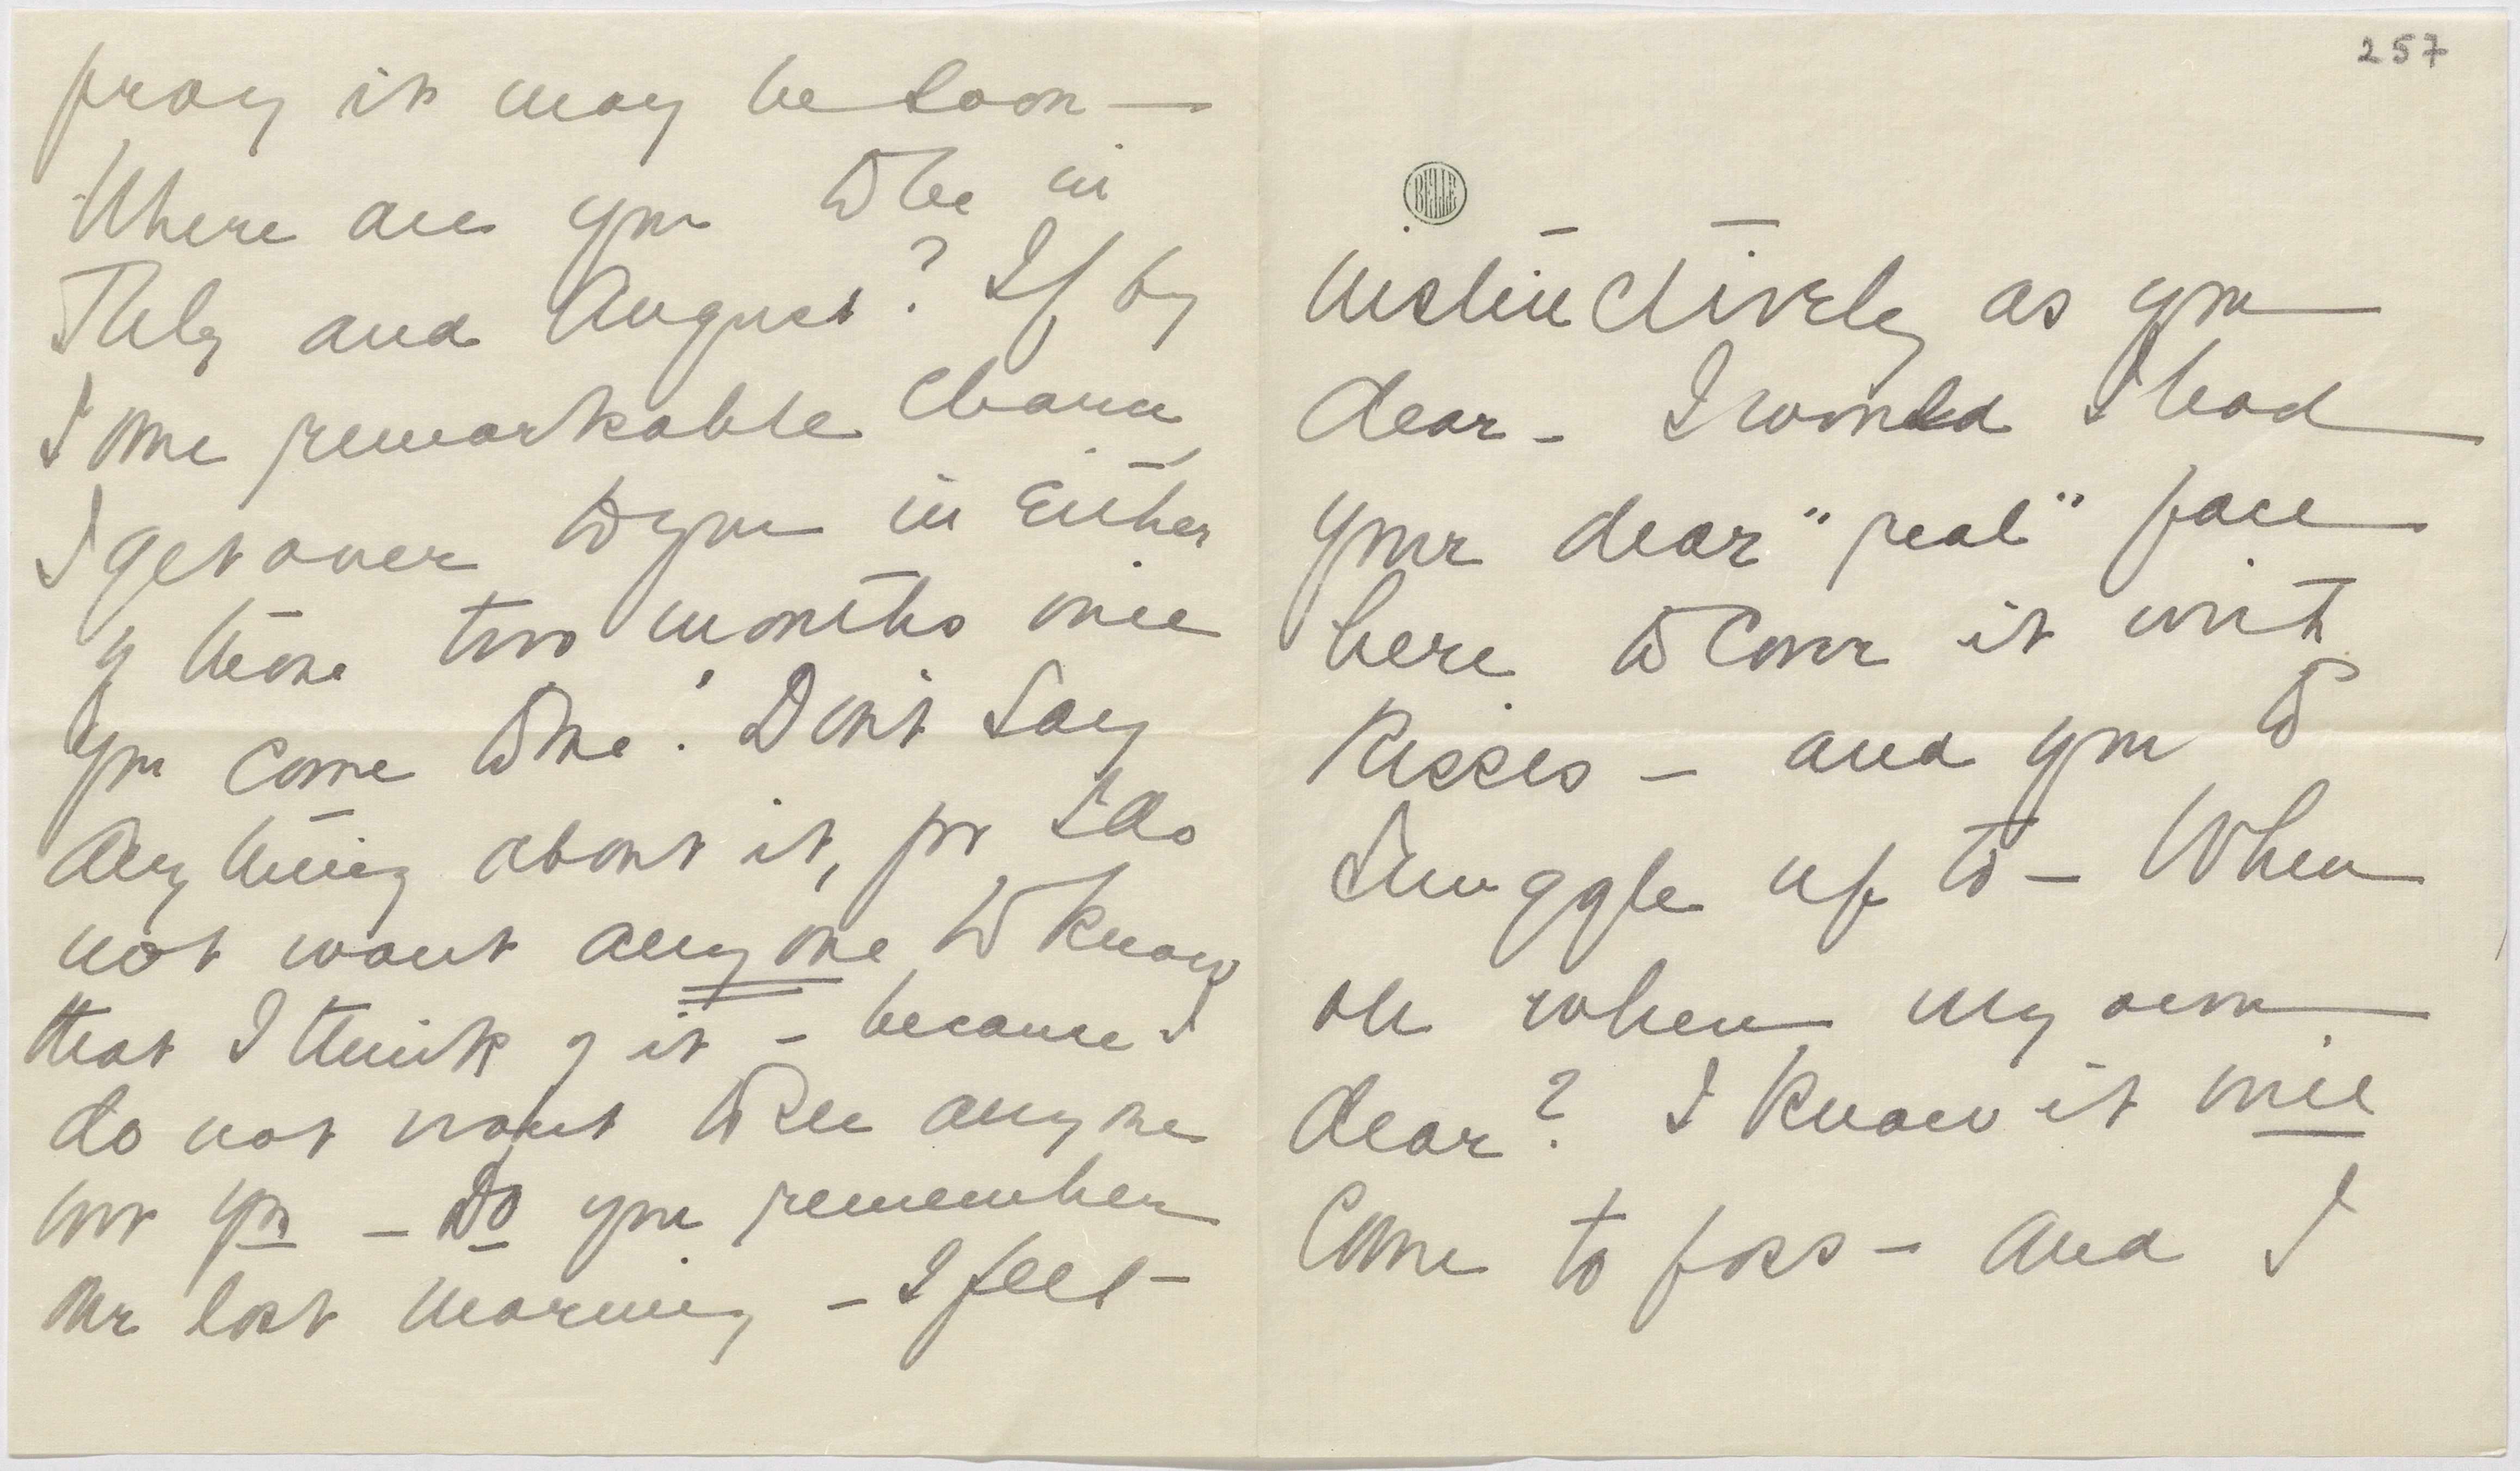instinctively as you dear – I would I had your dear “real” face here to cover it with kisses – and you to snuggle up to – When oh when my own dear? I know it will come to pass – and I
pray it may be soon –
Where are you to be in July and August? If by some remarkable chance, I get over to you in either of those two months will you come to me? Don’t say any thing about it, for I do not want [double underlined: any one] to know that I think of it – because I do not want to see any one but you – Do you remember our last morning – I feel